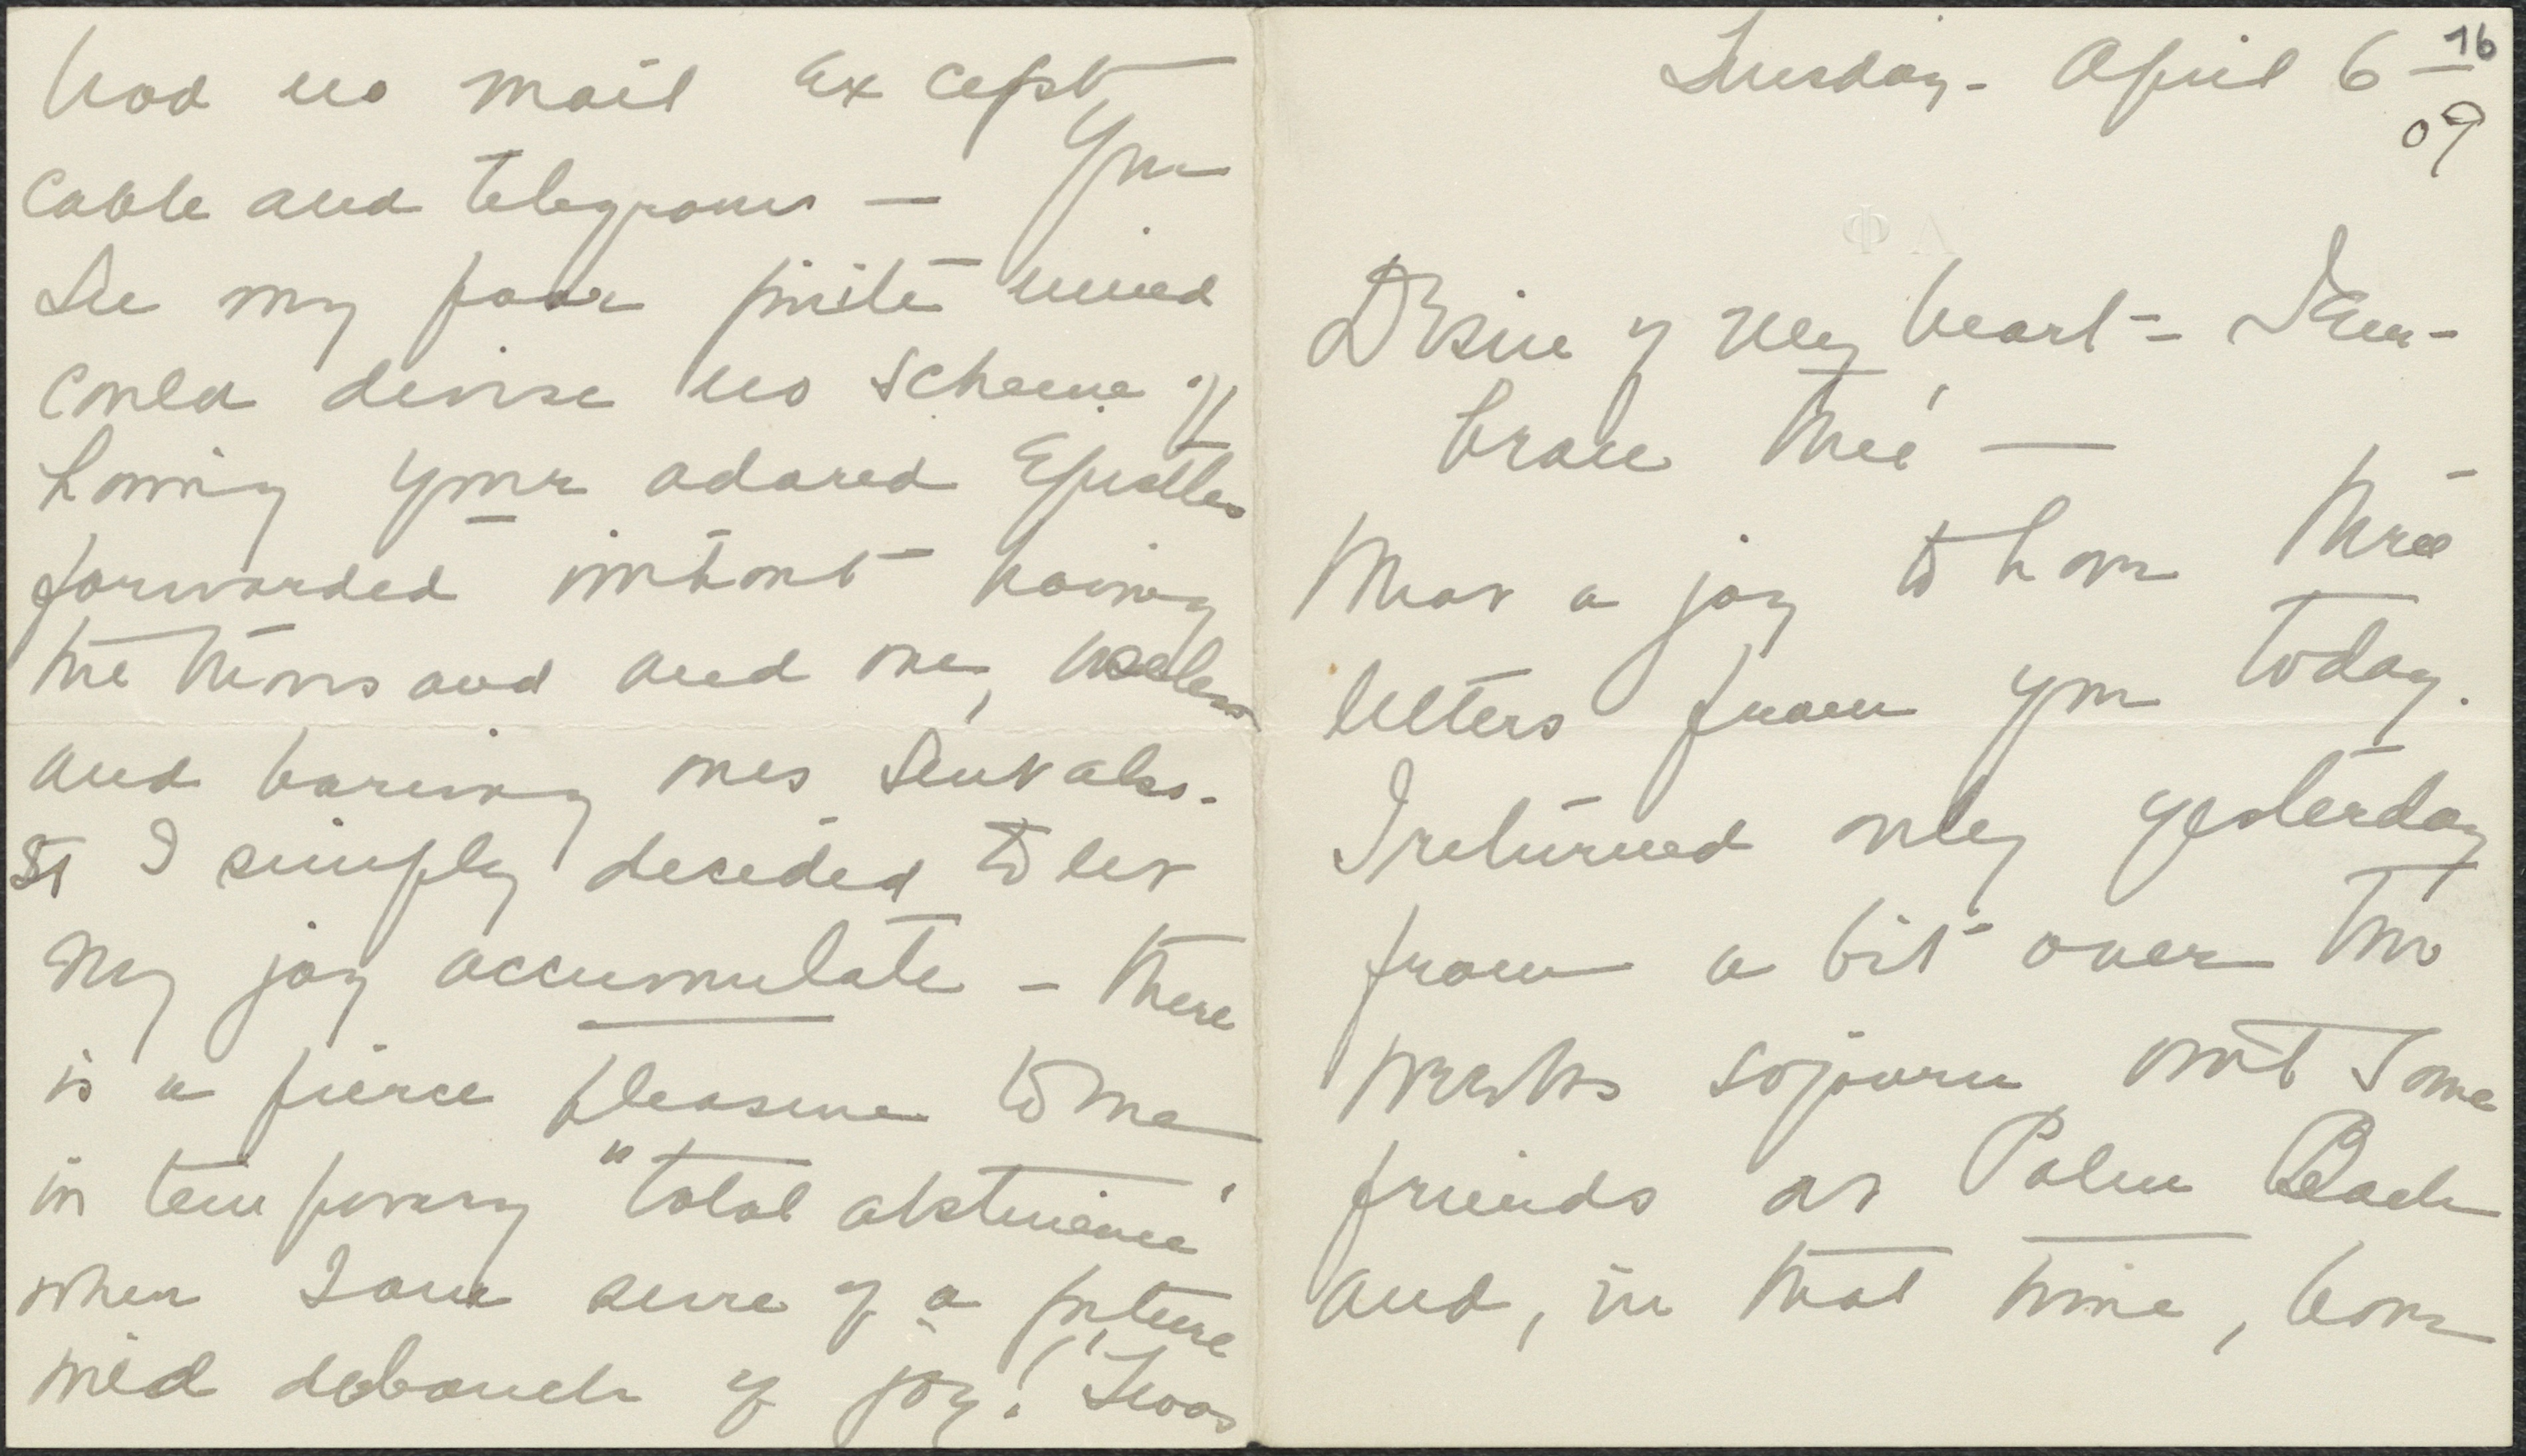Tuesday – April 6 –
Desire of my heart – I embrace thee –
What a joy to have three letters from you today. I returned only yesterday from a bit over two weeks sojourn wit [sic] some friends at Palm Beach and, in that time, have
had no mail except cable and telegrams – You see my poor finite mind could devise no scheme of having your adored epistles forwarded without having the thousand and one, useless and boring ones sent also – So I simply decided to let my joy accumulate – there is a fierce pleasure to me in temporary “total abstinence” when I am sure of a future mid debauch of joy! ‘Twas